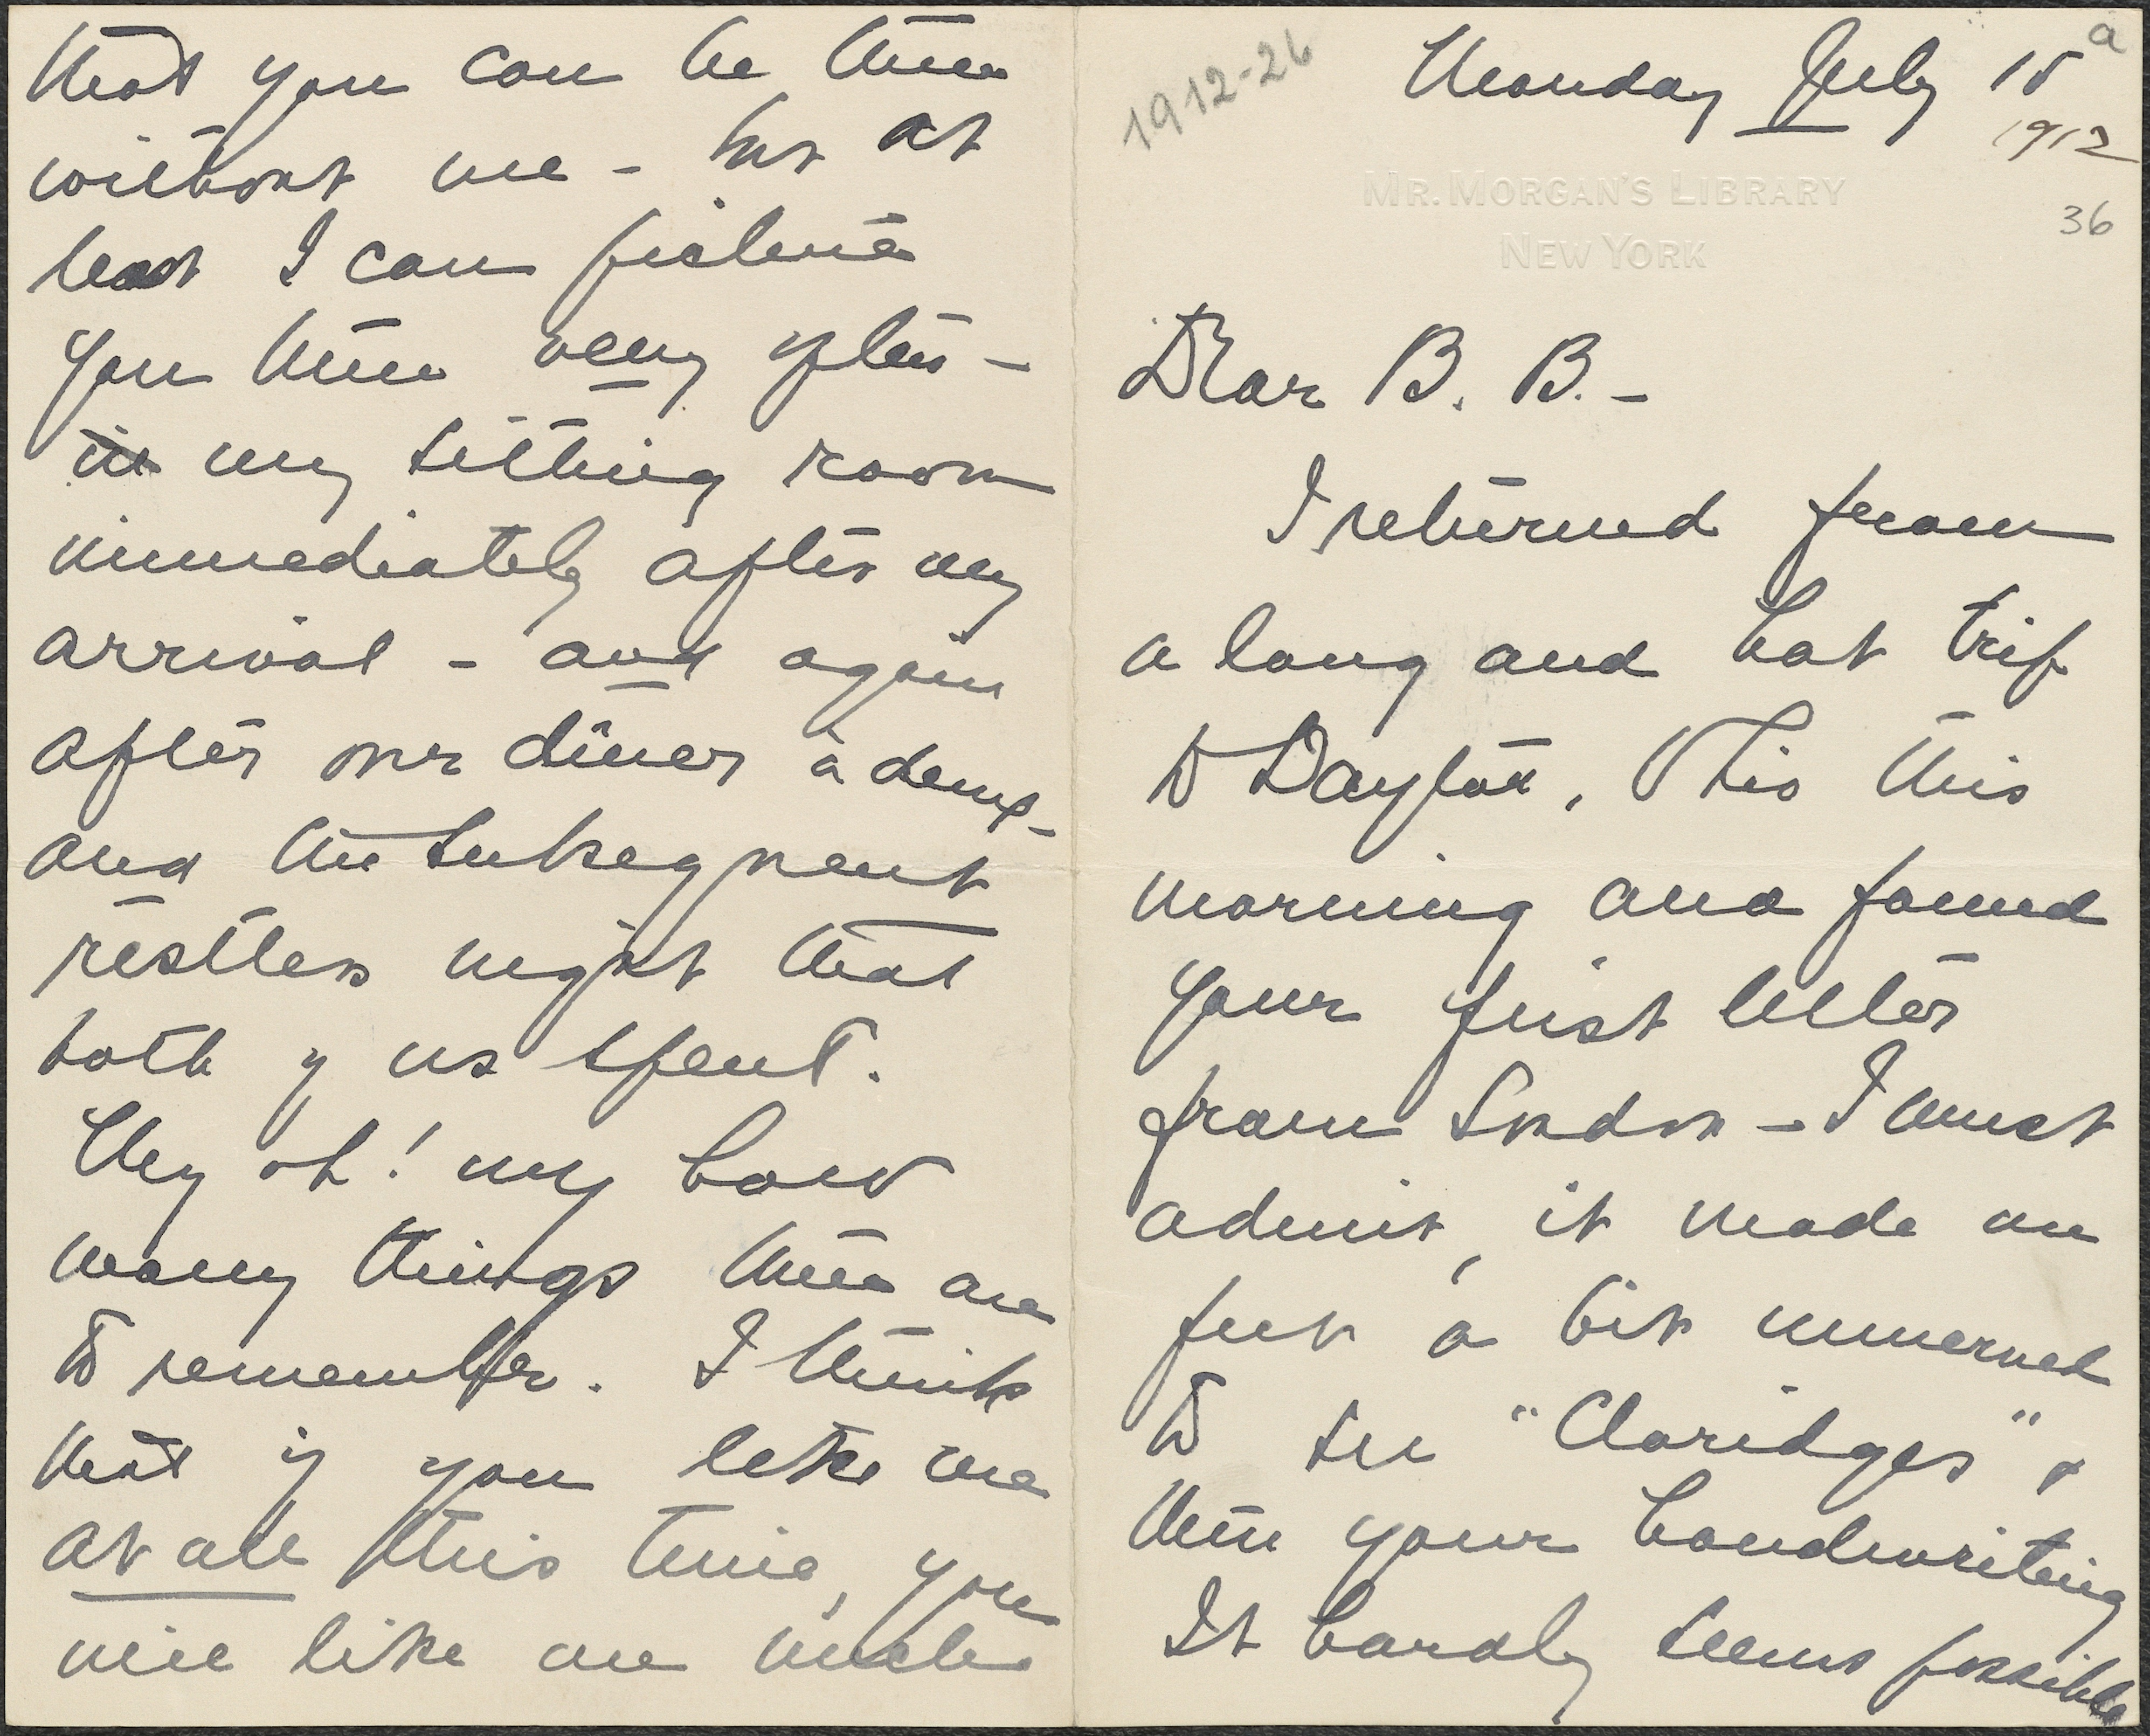Monday July 15
Dear B. B. –
I returned from a long and hot trip to Dayton, Ohio this morning and found your first letter from London – I must admit, it made me feel a bit unnerved to see “Claridges” & then your handwriting
It barely seems possible
that you can be there without me – but at least I can picture you there very often – in my sitting room immediately after my arrival – and again after our dîner à deux and the subsequent restless night that both of us spent.
My oh! my how many things there are to remember. I think that if you like me at all this time, you will like me much